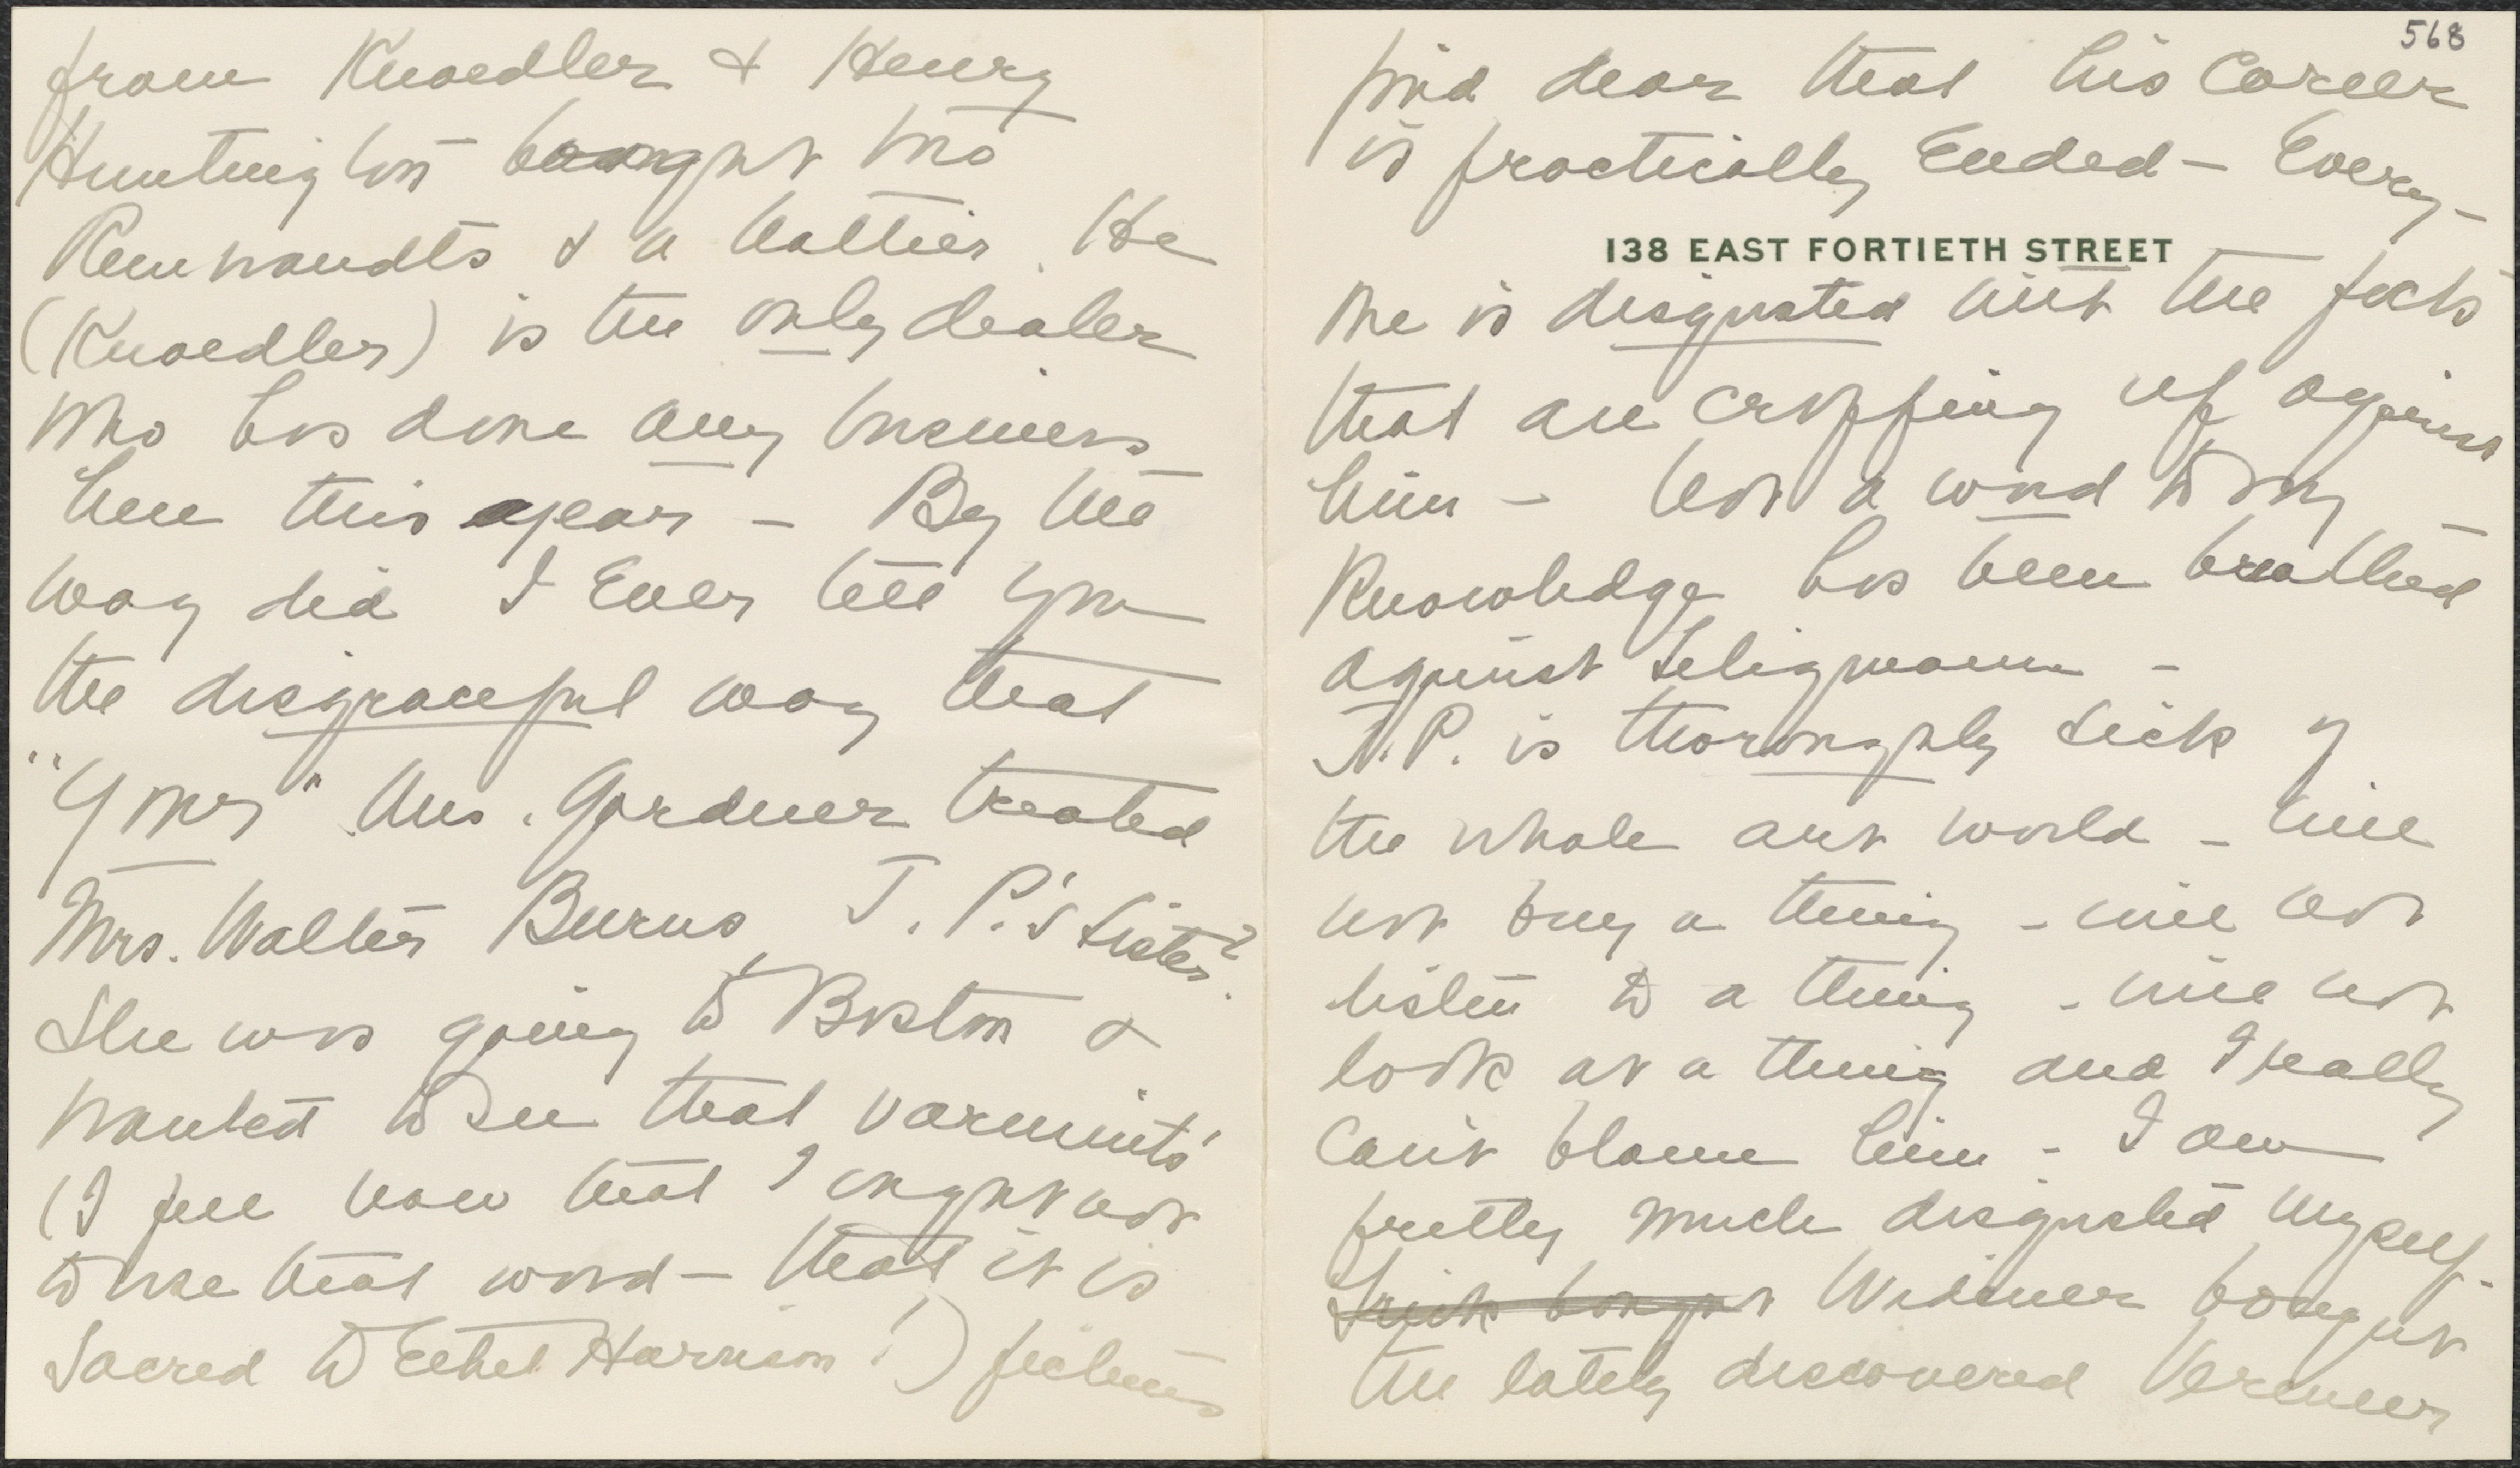find dear that his career is practically ended – Everyone is disgusted with the facts that are cropping up against him – not a word to my knowledge has been breathed against Seligmann –
J.P. is thoroughly sick of the whole art world – will not buy a thing – will not listen to a thing – will not look at a thing and I really can’t blame him – I am pretty much disgusted myself – Frick bought Widener bought the lately discovered Vermeer
from Knoedler & Henry Huntington bought two Rembrandts & a Nattier. He (Knoedler) is the only dealer who has done any business here this year – By the way did I ever tell you the disgraceful way that “Your” Mrs. Gardner treated Mrs. Walter Burns, J.P.’s sister? She was going to Boston & wanted to see that varmint’s (I feel now that I ought not to use that word – that it is sacred to Ethel Harrison!) pictures